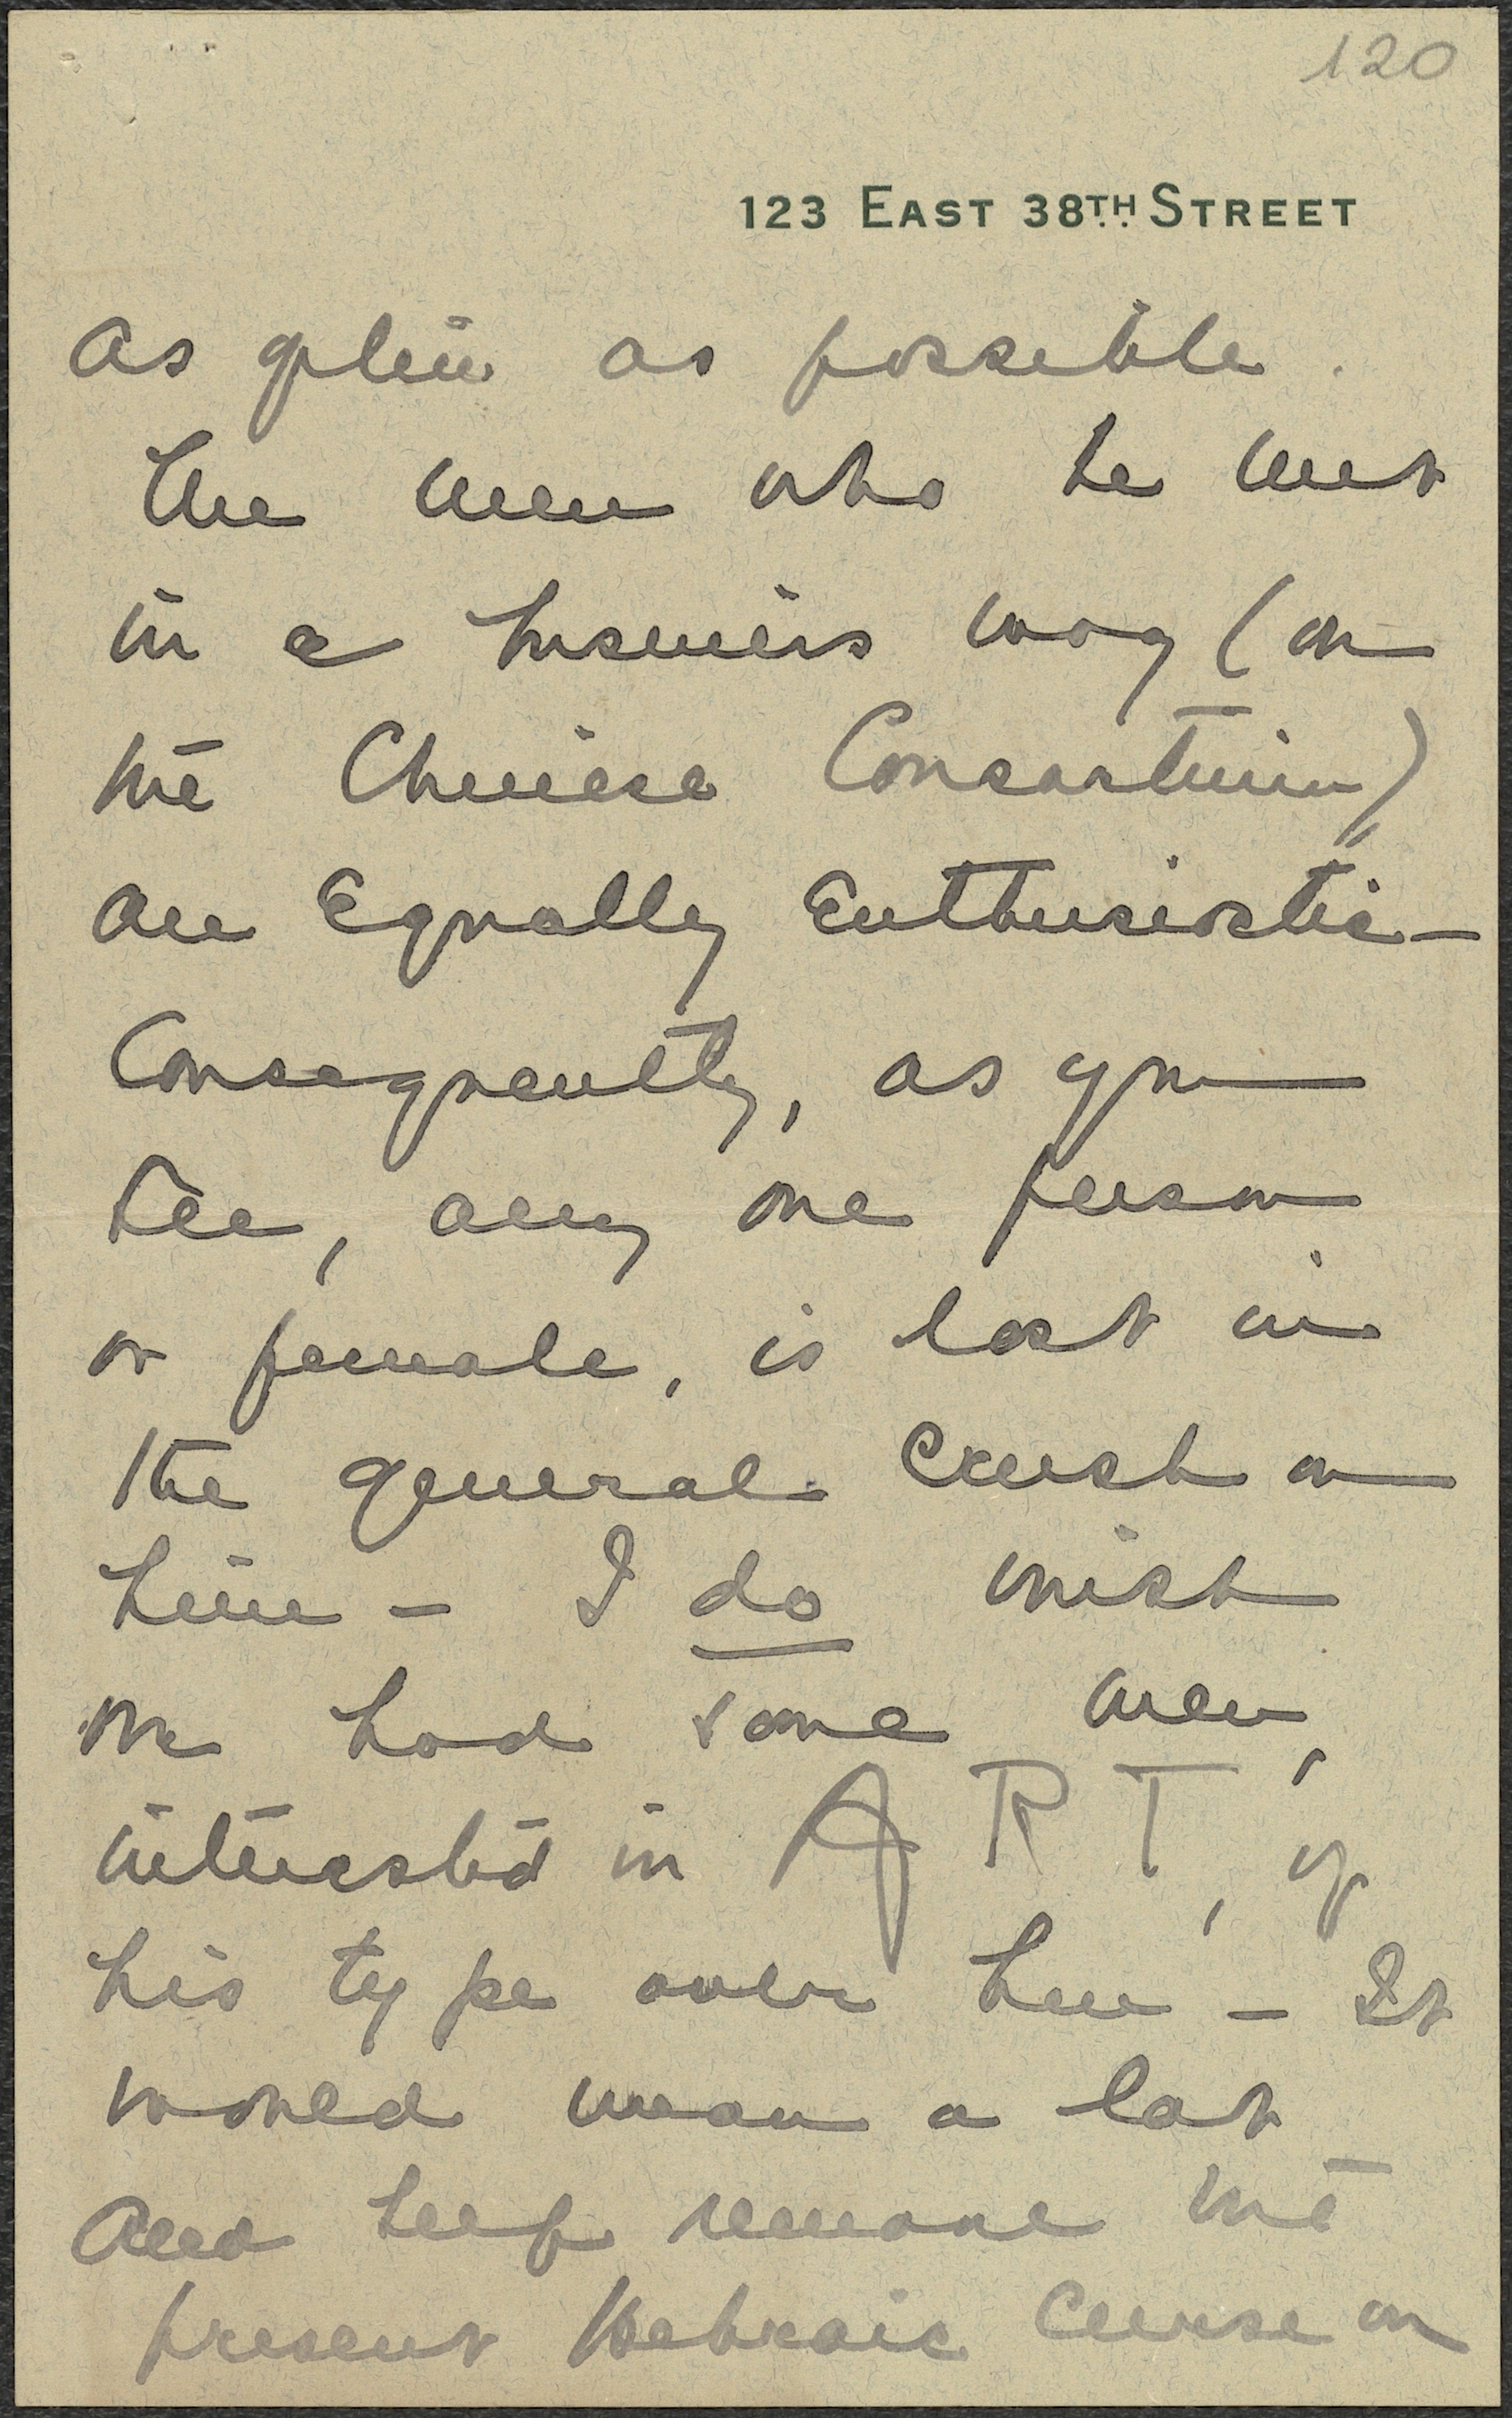as often as possible.
The men who he met in a business way (on the Chinese Consortium) are equally enthusiastic – Consequently, as you see, any one person or female, is lost in the general crush on him – I do wish we had some men, interested in ART, of his type over here – It would mean a lot and help remove the present Hebraic Curse on